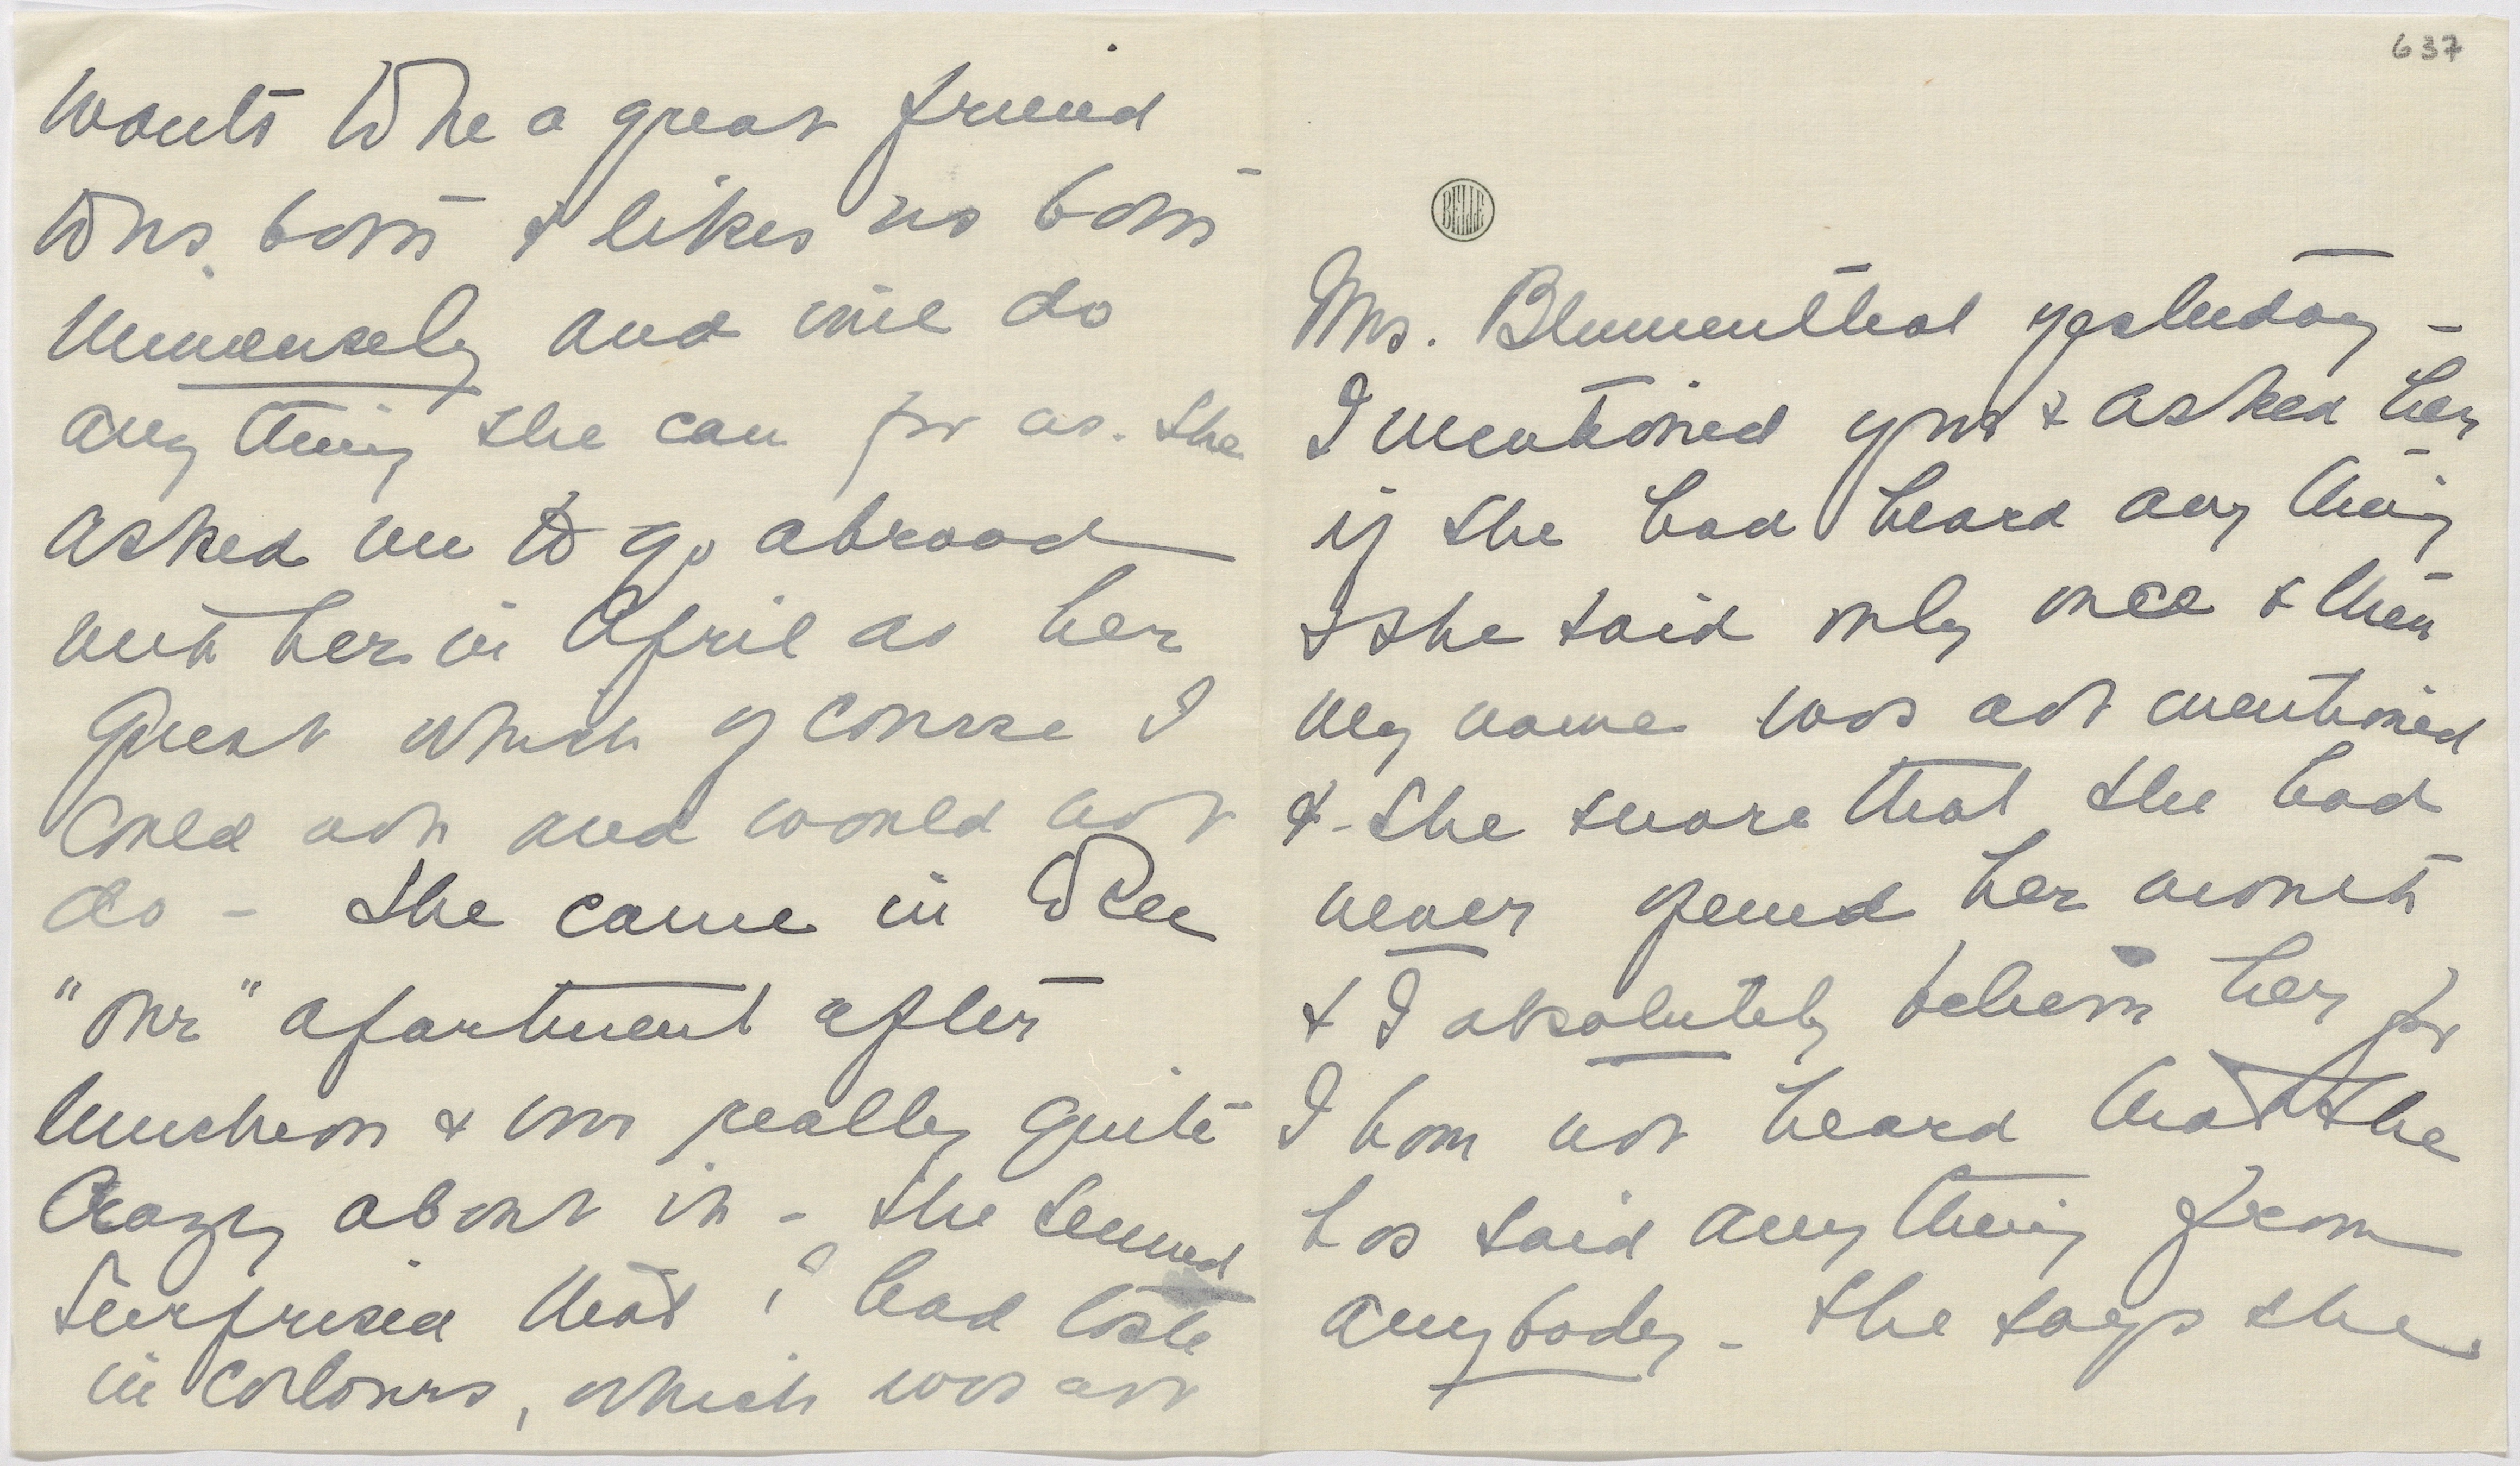Mrs. Blumenthal yesterday – I mentioned you & asked her if she had heard any thing & she said only once & then my name was not mentioned & she swore that she had never opened her mouth & I absolutely believe her for I have not heard that she has said any thing from anybody – she says she
wants to be a great friend to us both & likes us both immensely and will do any thing she can for us. She asked me to go abroad with her in April as her guest which of course I could not and would not do – she came in to see “our” apartment after luncheon & was really quite crazy about it – she seemed surprised that I had taste in colours, which was not